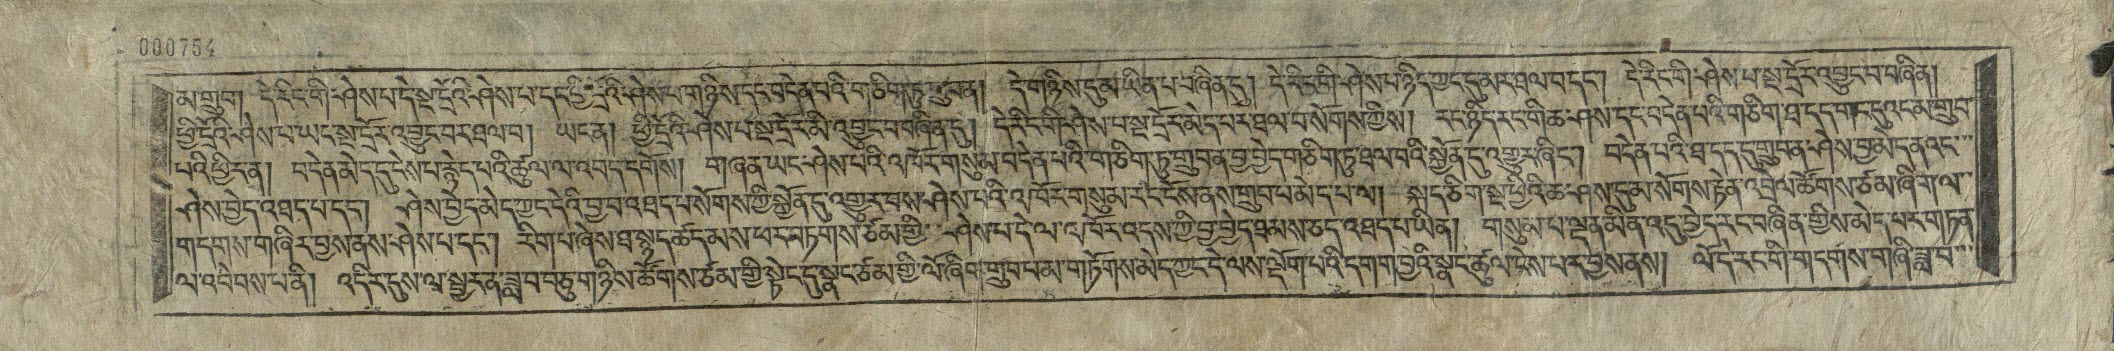མ་གྲུབ། དེ་རིང་གི་ཤེས་པ་དེ་སྔ་དྲོའི་ཤེས་པ་དང་ཕྱི་དྲོའི་ཤེས་པ་གཉིས་དང་བདེན་པའི་གཅིག་ཏུ་གྲུབ་ན། དེ་གཉིས་དུ་མ་ཡིན་པ་བཞིན་དུ། དེ་རིང་གི་ཤེས་པ་ཉིད་ཀྱང་དུ་མར་ཐལ་བ་དང་། དེ་རིང་གི་ཤེས་པ་སྔ་དྲོར་འབྱུང་བ་བཞིན།
ཕྱི་དྲོའི་ཤེས་པ་ཡང་སྔ་དྲོར་འབྱུང་བར་ཐལ་བ། ཡང་ན། ཕྱི་དྲོའི་ཤེས་པ་སྔ་དྲོར་མི་འབྱུང་བ་བཞིན་དུ། དེ་རིང་གི་ཤེས་པ་སྔ་དྲོར་མེད་པར་ཐལ་བ་སོགས་ཀྱིས། རང་ཉིད་རང་གི་ཆ་ཤས་དང་བདེན་པའི་གཅིག་ཐ་དད་གང་དུའང་མ་གྲུབ་
པའི་ཕྱིར་ན། བདེན་མེད་དུ་ངེས་པ་རྙེད་པའི་ཚུལ་ལ་འབད་དགོས། གཞན་ཡང་ཤེས་པའི་འཁོར་གསུམ་བདེན་པའི་གཅིག་ཏུ་གྲུབ་ན་བྱ་བྱེད་གཅིག་ཏུ་ཐལ་བའི་སྐྱོན་དུ་འགྱུར་ཞིང་། བདེན་པའི་ཐ་དད་དུ་གྲུབ་ན་ཤེས་བྱ་མེད་ནའང་
ཤེས་བྱེད་འཐད་པ་དང་། ཤེས་བྱེད་མེད་ཀྱང་དེའི་བྱ་བ་འཐད་པ་སོགས་ཀྱི་སྐྱོན་དུ་འགྱུར་བས་ཤེས་པའི་འཁོར་གསུམ་རང་ངོས་ནས་གྲུབ་པ་མེད་པ་ལ། སྐད་ཅིག་སྔ་ཕྱིའི་ཆ་ཤས་དུ་མ་སོགས་རྟེན་འབྲེལ་ཚོགས་ཙམ་ཞིག་ལ་
གདགས་གཞིར་བྱས་ནས་ཤེས་པ་དང་། རིག་པ་ཞེས་ཐ་སྙད་ཚད་མས་ཕར་བཏགས་ཙམ་གྱི་ཤེས་པ་དེ་ལ་འཁོར་འདས་ཀྱི་བྱ་བྱེད་ཐམས་ཅད་འཐད་པ་ཡིན། གསུམ་པ་ལྡན་མིན་འདུ་བྱེད་རང་བཞིན་གྱིས་མེད་པར་གཏན་
ལ་འབེབས་པ་ནི། འདིར་དུས་ལ་སྦྱར་ན་ཟླ་བ་བཅུ་གཉིས་ཚོགས་ཙམ་གྱི་སྟེང་དུ་སྣང་ཙམ་གྱི་ལོ་ཞིག་གྲུབ་པ་མ་གཏོགས་མེད་ཀྱང་དེ་ལས་ལྡོག་པའི་དགག་བྱའི་སྣང་ཚུལ་ངེས་པར་བྱས་ནས། ལོ་དེ་རང་གི་གདགས་གཞི་ཟླ་བ་